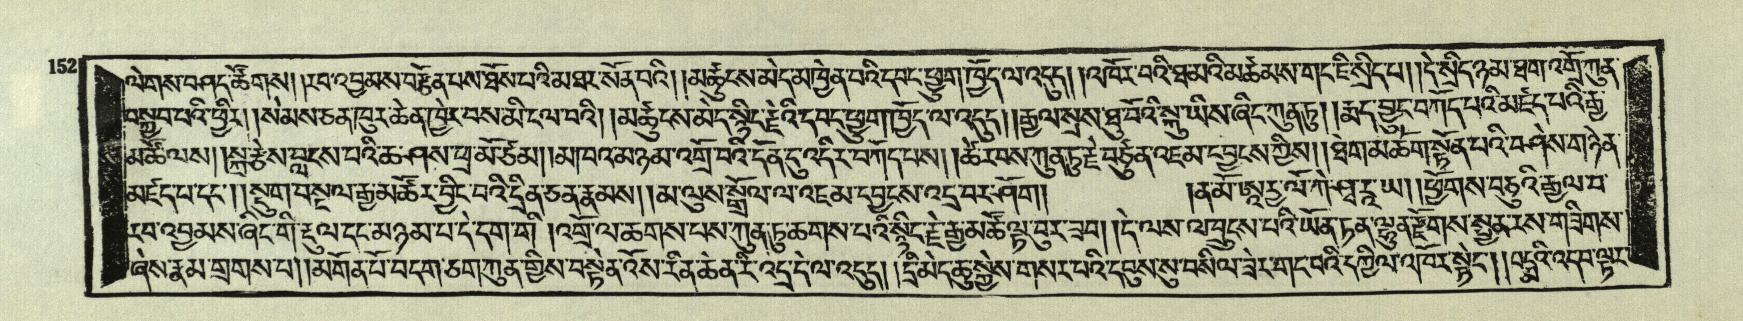ལེགས་བཤད་ཚོགས། །རབ་འབྱམས་བརྩོན་པས་ཐོས་པའི་མཐར་སོན་བའི། །མཚུངས་མེད་མཁྱེན་པའི་དབང་ཕྱུག་ཁྱོད་ལ་འདུད། །འཁོར་བའི་ཐ་མའི་མཚམས་གང་ཇི་སྲིད་པ། །དེ་སྲིད་ཉམ་ཐག་འགྲོ་ཀུན་
བསྐྱབ་པའི་ཕྱིར། །སེམས་ཅན་ཁུར་ཆེན་ཁྱེར་བས་མི་ངལ་བའི། །མཚུངས་མེད་སྙིང་རྗེའི་དབང་ཕྱུག་ཁྱོད་ལ་འདུད། །རྒྱལ་སྲས་ཐུ་བོའི་སྐུ་ཡིས་ཞིང་ཀུན་ཏུ། །རྨད་བྱུང་བཀོད་པའི་མཛད་པའི་རྒྱ་
མཚོ་ལས། །སྐྲ་རྩེས་བླངས་པའི་ཆ་ཤས་ཕྲ་མོ་ཙམ། །མཁའ་མཉམ་འགྲོ་བའི་དོན་དུ་འདིར་བཀོད་པས། །ཚེ་རབས་ཀུན་ཏུ་རྗེ་བཙུན་འཇམ་དབྱངས་ཀྱིས། །ཐེག་མཆོག་སྟོན་པའི་བཤེས་གཉེན་
མཛད་པ་དང་། །སྡུག་བསྔལ་རྒྱ་མཚོར་བྱིང་བའི་དྲིན་ཅན་རྣམས། །མ་ལུས་སྒྲོལ་ལ་འཇམ་དབྱངས་འདྲ་བར་ཤོག། །ན་མོ་ཨའྲྱ་ལོ་ཀེ་ཤྭ་རཱ་ཡ། །ཕྱོགས་བཅུའི་རྒྱལ་བ་
རབ་འབྱམས་ཞིང་གི་རྡུལ་དང་མཉམ་པ་དེ་དག་གི །འགྲོ་ལ་ཆགས་པས་ཀུན་ཏུ་ཆགས་པའི་སྙིང་རྗེ་རྒྱ་མཚོ་ལྟ་བུར་ཟབ། །དེ་ལས་འཁྲུངས་པའི་ཡོན་ཏན་ལྷུན་རྫོགས་སྤྱན་རས་གཟིགས་
ཞེས་རྣམ་གྲགས་པ། །མགོན་པོ་བདག་ཅག་ཀུན་གྱིས་བསྟེན་འོས་རིན་ཆེན་རི་འདྲ་དེ་ལ་འདུད། །དྲི་མེད་ཆུ་སྐྱེས་གསར་པའི་དབུས་སུ་བསིལ་ཟེར་གང་བའི་དཀྱིལ་འཁོར་སྟེང་། །པདམའི་འདབ་ལྟར་